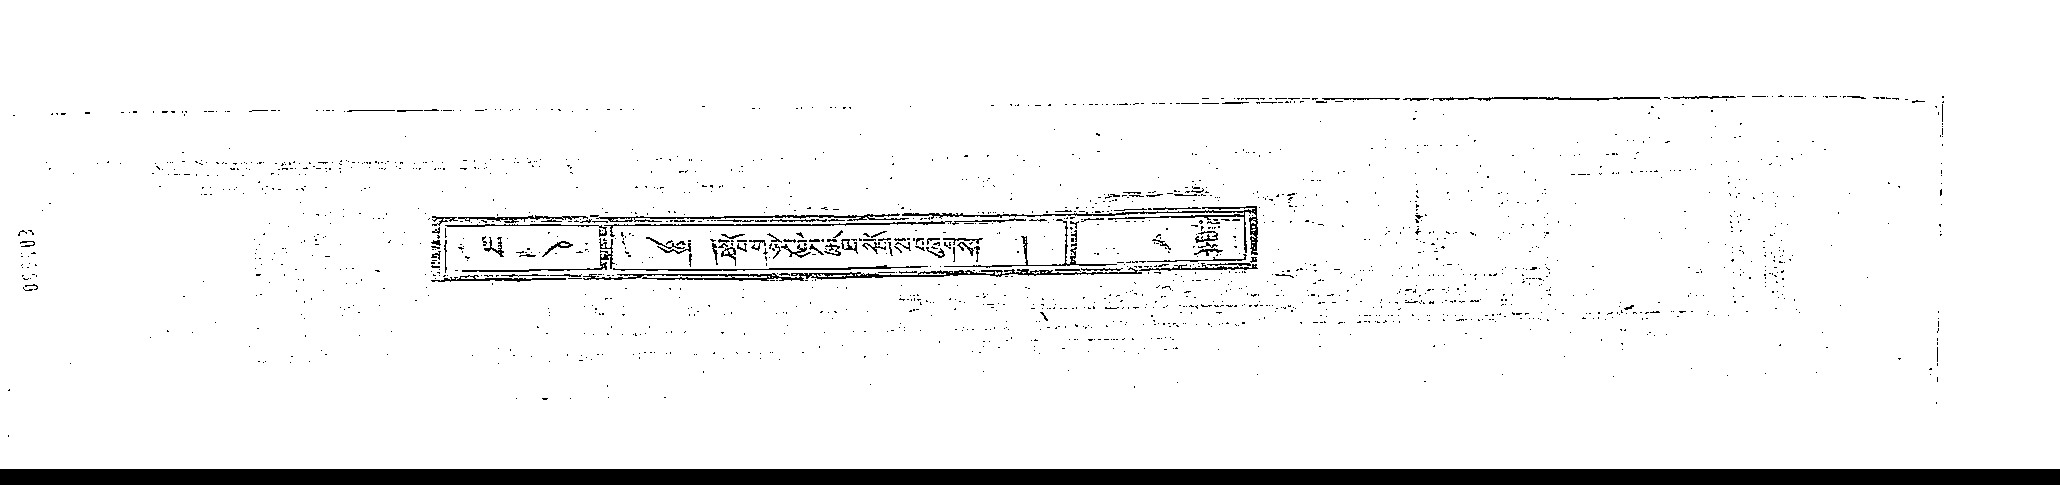ཏ ༢༤?
༄༅། །སློབ་གཉེར་བྱེད་ཚུལ་སོགས་བཞུགས། །